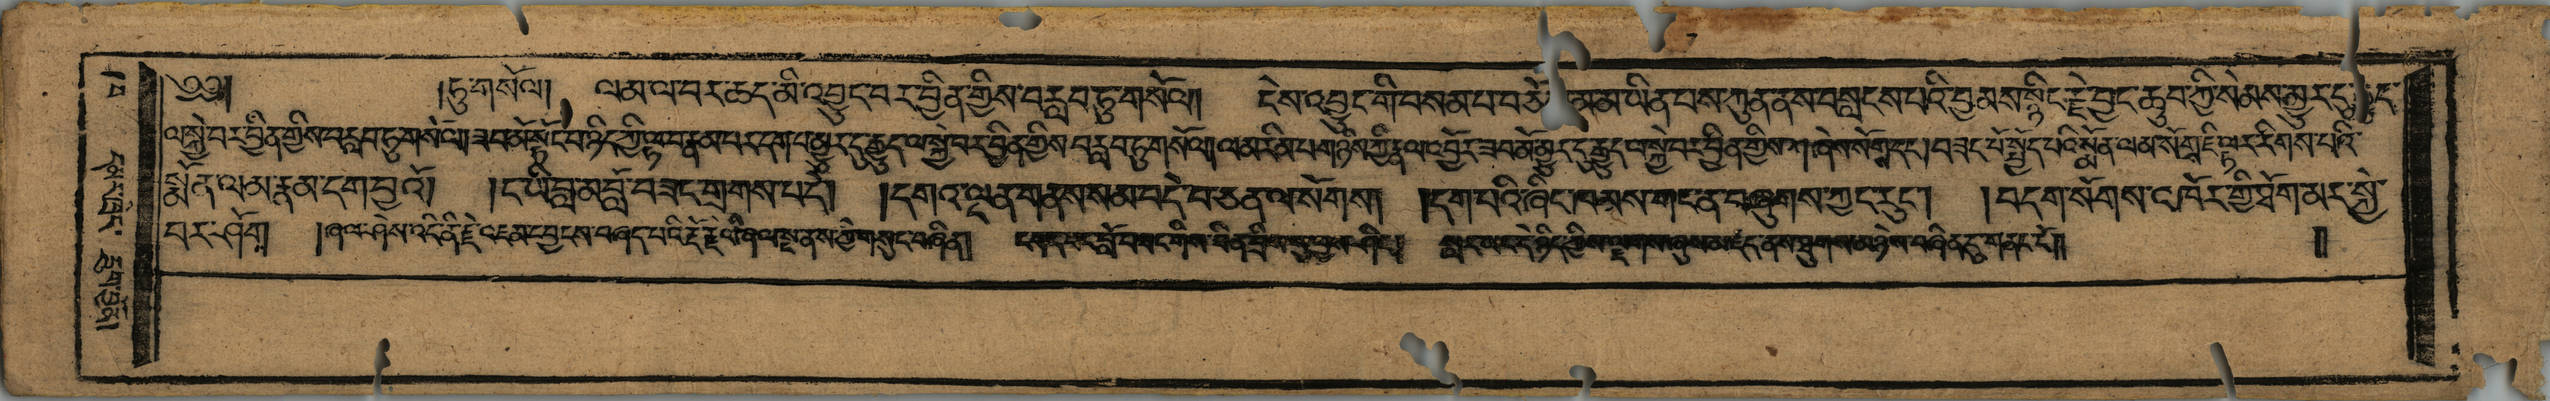༄༅། །ཏུ་གསོལ། ལམ་ལ་བར་ཆད་མི་འབྱུང་བར་བྱིན་གྱིས་བརླབ་ཏུ་གསོལ། ངེས་འབྱུང་གི་བསམ་པ་བཅོས་མ་མ་ཡིན་པས་ཀུན་ནས་བསླངས་པའི་བྱམས་སྙིང་རྗེ་བྱང་ཆུབ་ཀྱི་སེམས་མྱུར་དུ་རྒྱུད་
ལ་སྐྱེ་བར་བྱིན་གྱིས་བརླབ་ཏུ་གསོལ། ཟབ་མོ་སྟོང་བ་ཉིད་ཀྱི་ལྟ་བ་རྣམ་པར་དག་པ་མྱུར་དུ་རྒྱུད་ལ་སྐྱེ་བར་བྱིན་གྱིས་བརླབ་ཏུ་གསོལ། ལམ་རིམ་པ་གཉིས་ཀྱི་རྣལ་འབྱོར་ཟབ་མོ་མྱུར་དུ་རྒྱུད་ལ་སྐྱེ་བར་བྱིན་གྱིས་྾། ཞེས་སོགས་དང་། བཟང་པོ་སྤྱོད་པའི་སྨོན་ལམ་སོགས་ཇི་ལྟར་རིགས་པའི་
སྨོན་ལམ་རྣམ་དག་བྱའོ། །ང་ཡི་བླ་མ་བློ་བཟང་གྲགས་པ་དེ། །དགའ་ལྡན་གནས་སམ་བདེ་བ་ཅན་ལ་སོགས། །དག་པའི་ཞིང་ཁམས་གང་ན་བཞུགས་ཀྱང་རུང་། །བདག་སོགས་འཁོར་གྱི་ཐོག་མར་སྐྱེ་
པར་ཤོག །ཞལ་ཤེས་འདི་ནི་རྗེ་འཇམ་དབྱངས་བཞད་པའི་རྡོ་རྗེའི་ཞལ་སྔ་ནས་ཀྱི་གསུང་བཞིན། ངག་དབང་བློ་བཟང་གིས་ཟིན་བྲིས་སུ་བྱས་ཤིང་། སླར་ཡང་དེ་ཉིད་ཀྱིས་ལྗགས་ཞུས་མཛད་ནས་ཐུགས་མཉེས་བཞིན་དུ་གནང་ངོ།། །།